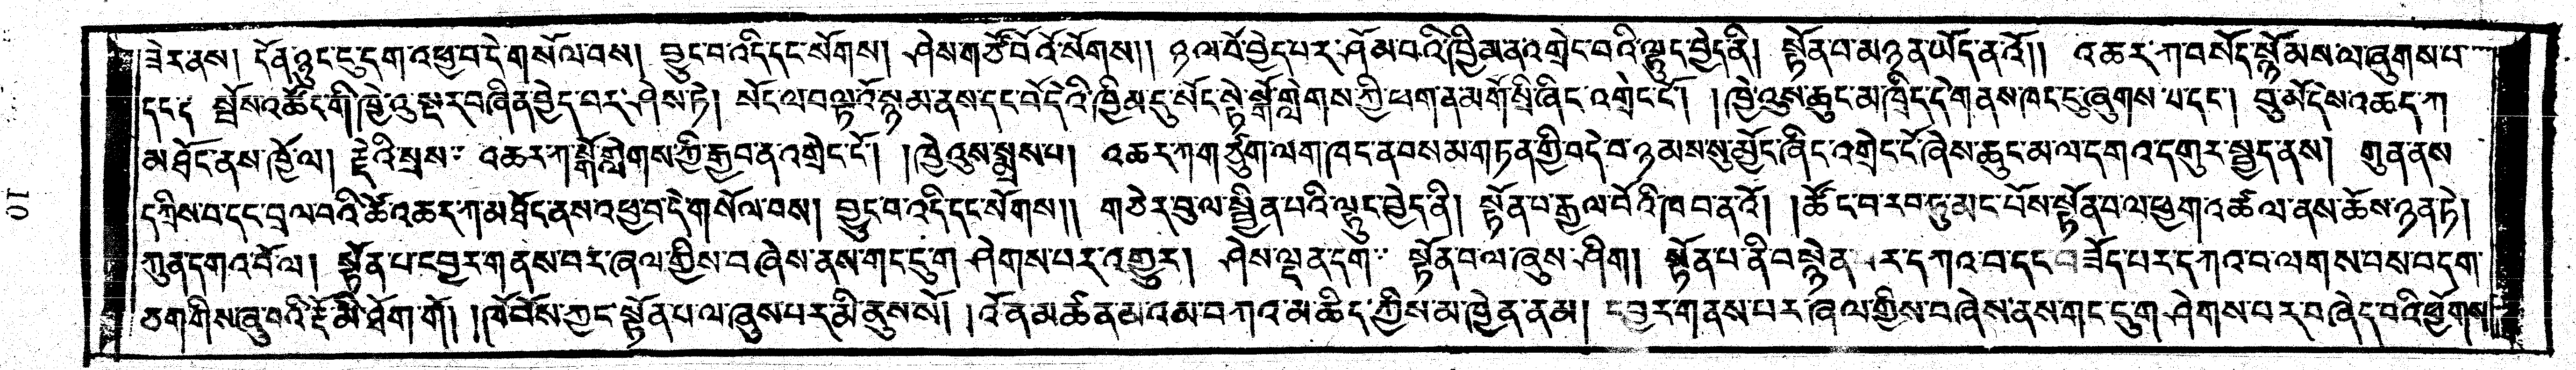ཟེར་ནས། དོན་ཉུང་ངུ་དག་འཕྱ་བ་དེ་གསོལ་བས། བྱུང་བ་འདི་དང་སོགས། ཤེས་གཙོ་བོའོ་སོགས།། ཉལ་བོ་བྱེད་པར་ཤོམ་པའི་ཁྱིམ་ན་འགྲེང་བའི་ལྟུང་བྱེད་ནི། སྟོན་པ་མཉན་ཡོད་ནའོ།། འཆར་ཀ་བསོད་སྙོམས་ལ་ཞུགས་པ་
དང༑ སྦོས་འཚོང་གི་ཁྱེའུ་སྔར་བཞིན་བྱེད་པར་ཤེས་ཏེ། སོང་ལ་བལྟའོ་སྙམ་ནས་དང་བོ་དེའི་ཁྱིམ་དུ་སོང་སྟེ་སྒོ་གླེགས་ཀྱི་ཕག་ན་མགོ་སྲི་ཞིང་འགྲེང་ངོ། །ཁྱེ་འུས་ཆུང་མ་ཁྲིད་དེ་གནས་ཁང་དུ་ཞུགས་པ་དང་། བུ་མོ་དེས་འཆད་ཀ་
མཐོང་ནས་ཁྱོ་ལ། རྗེའི་སྲས་འཆར་ཀ་སྒོ་གླེགས་ཀྱི་རྒྱབ་ན་འགྲེང་ངོ། །ཁྱེའུས་སྨྲས་པ། འཆར་ཀ་གཙུག་ལག་ཁང་ན་བསམ་གཏན་གྱི་བདེ་བ་ཉམས་སུ་མྱོང་ཞིང་འགྲེང་ངོ་ཞེས་ཆུང་མ་ལ་དགའ་དགུར་སྦྱད་ནས། གུན་ནས་
དཀྲིས་བ་དང་བྲལ་བའི་ཚེ་འཆར་ཀ་མཐོང་ནས་འཕྱ་བ་དེ་གསོལ་བས། བྱུང་བ་འདི་དང་སོགས།། གཅེར་བུ་ལ་སྦྱིན་པའི་ལྟུང་བྱེད་ནི། སྟོན་པ་རྒྱལ་བོའི་ཁབ་ནའོ། །ཚོང་བ་རབ་ཏུ་མང་པོས་སྟོན་པ་ལ་ཕྱག་འཚལ་ནས་ཆོས་ཉན་ཏེ།
ཀུན་དགའ་བོ་ལ། སྟོན་པ་དབྱར་གནས་བར་ཞལ་གྱིས་བཞེས་ནས་གང་དུ་གཤེགས་པར་འགྱུར། ཤེས་ལྡན་དག་སྟོན་པ་ལ་ཞུས་ཤིག། སྟོན་པ་ནི་བསྙེན་པར་དཀའ་བ་དང་བཟོད་པར་དཀའ་བ་ལགས་པས་བདག་
ཅག་གིས་ཞུ་བའི་རྡོ་མི་ཐོག་གོ། །ཁོ་བོས་ཀྱང་སྟོན་པ་ལ་ཞུས་པར་མི་ནུས་སོ། །འོ་ན་མཚན་མའམ་བཀའ་མ་ཆིད་ཀྱིས་མ་ཁྱེན་ནམ། དབྱར་གནས་པར་ཞལ་གྱིས་བཞེས་ནས་གང་དུ་གཤེགས་པར་བཞེད་པའི་ཕྱོགས་